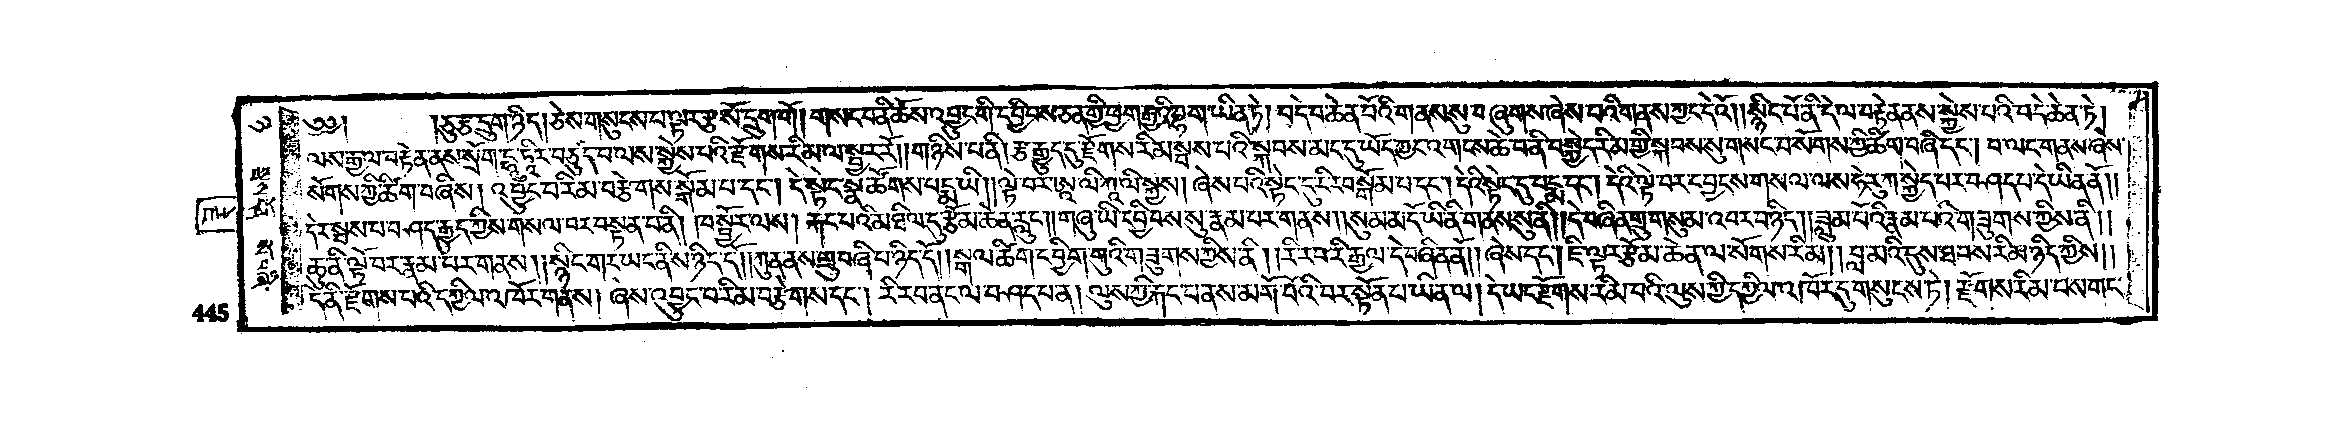༄༅། །ཅུ་རྩ་དྲུག་ཉིད། ཅེས་གསུངས་པ་ལྟར་རྩ་སོ་དྲུག་གོ །གསང་བ་ནི་ཆོས་འབྱུང་གི་དབྱིབས་ཅན་གྱི་ཕྱག་རྒྱའི་བྷ་ག་ཡིན་ཏེ། བདེ་བ་ཆེན་པོའི་གནས་སུ་བཞུགས་ཞེས་པའི་གནས་ཀྱང་དེའོ། །སྙིང་པོ་ནི་དེ་ལ་བརྟེན་ནས་སྐྱེས་པའི་བདེ་ཆེན་ཏེ།
ལས་རྒྱ་ལ་བརྟེན་ནས་སྲོག་དྷཱུ་ཏཱིར་བཙུད་པ་ལས་སྐྱེས་པའི་རྫོགས་རིམ་ལ་སྦྱར་རོ། །གཉིས་པ་ནི། རྩ་རྒྱུད་དུ་རྫོགས་རིམ་སྦས་པའི་སྐབས་མང་དུ་ཡོད་ཀྱང་འགངས་ཆེ་བ་ནི་བསྐྱེད་རིམ་གྱི་སྐབས་སུ་གསང་བ་སོགས་ཀྱི་ཚིག་བཞི་དང་། བ་ལང་གནས་ཞེས་
སོགས་ཀྱི་ཚིག་བཞིས། འབྱུང་བ་རིམ་བརྩེགས་སྒོམ་པ་དང་། དེ་སྟེང་སྣ་ཚོགས་པདམ་ཡི། །ལྟེ་བར་ཨཱ་ལི་ཀཱ་ལི་སྐྱེས། །ཞེས་པའི་སྟེང་དུ་རི་རབ་སྒོམ་པ་དང་། དེའི་སྟེང་དུ་པདམ་དང་། དེའི་ལྟེ་བར་དབྱངས་གསལ་ལས་ཧེ་རུ་ཀ་སྐྱེད་པར་བཤད་པ་དེ་ཡིན་ནོ། །
དེར་སྦས་པ་བཤད་རྒྱུད་ཀྱིས་གསལ་བར་བསྟན་པ་ནི། ཁ་སྦྱོར་ལས། རྐང་པའི་མཐིལ་དུ་རྩོམ་ཆེན་རླུང་། །གཞུ་ཡི་དབྱིབས་སུ་རྣམ་པར་གནས། །སུམ་མདོ་ཡི་ནི་གནས་སུ་ནི། །དེ་བཞིན་གྲུ་གསུམ་འབར་བ་ཉིད། །ཟླུམ་པོའི་རྣམ་པའི་གཟུགས་ཀྱིས་ནི། །
ཆུ་ནི་ལྟོ་བར་རྣམ་པར་གནས། །སྙིང་གར་ཡང་ནི་ས་ཉིད་དོ། །ཀུན་ནས་གྲུ་བཞི་པ་ཉིད་དོ། །སྒལ་ཚིག་དབྱིག་གུའི་གཟུགས་ཀྱིས་ནི། །རི་རབ་རི་རྒྱལ་དེ་བཞིན་ནོ། །ཞེས་དང་། ཇི་ལྟར་རྩོམ་ཆེན་ལ་སོགས་རིམ། །བླ་མའི་དུས་ཐབས་རིམ་ཉིད་ཀྱིས། །
དེ་ནི་རྫོགས་པའི་དཀྱིལ་འཁོར་གནས། ཞེས་འབྱུང་བ་རིམ་བརྩེགས་དང་། རི་རབ་ནང་ལ་བཤད་པ་ན། ལུས་ཀྱི་རྐང་པ་ནས་མགོ་བོའི་བར་སྟོན་པ་ཡིན་ལ། དེ་ཡང་རྫོགས་རིམ་པའི་ལུས་ཀྱི་དཀྱིལ་འཁོར་དུ་གསུངས་ཏེ། རྫོགས་རིམ་པས་གང་